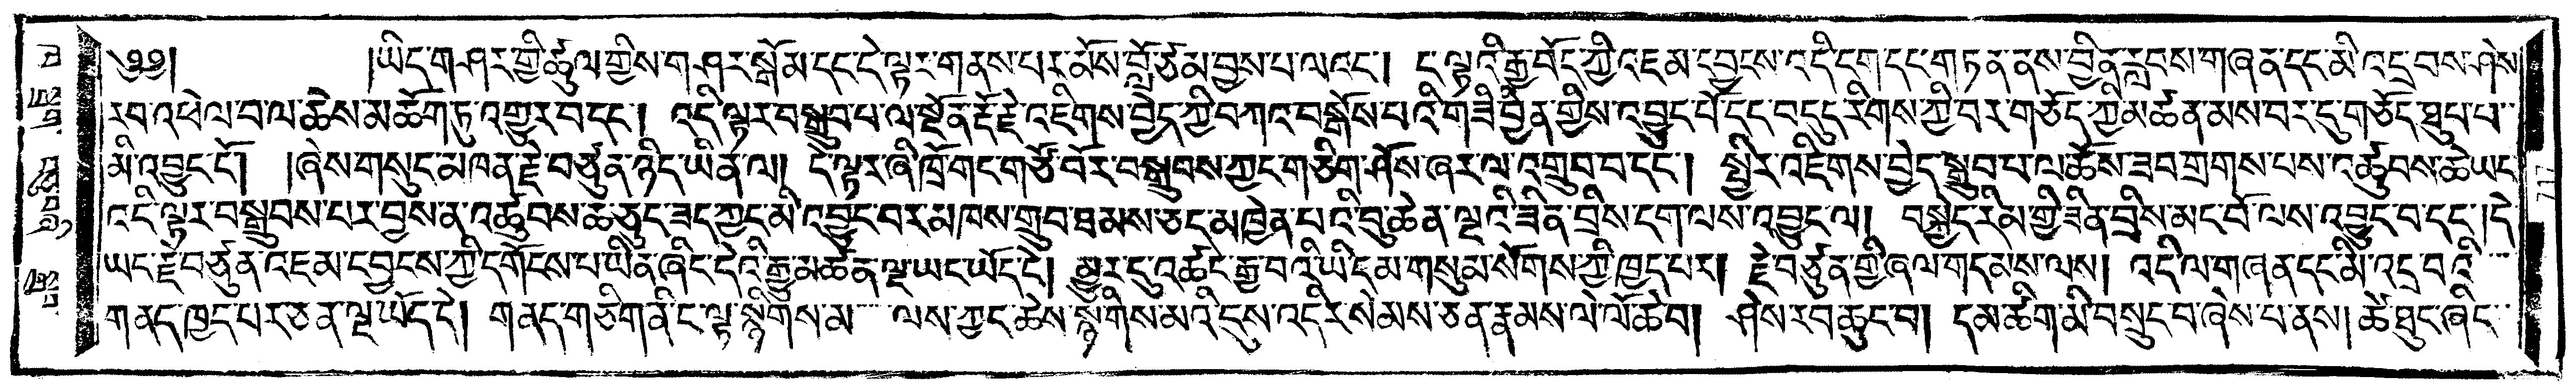༄༅། །ཡིད་གཤར་གྱི་ཚུལ་གྱིས་གཤར་སྒོམ་དང་དེ་ལྟར་གནས་པར་མོས་བློ་ཙམ་བྱས་པ་ལའང་། ད་ལྟའི་རྒྱ་བོད་ཀྱི་འཇམ་དབྱངས་འདི་དག་དང་གཏན་ནས་བྱིན་རླབས་གཞན་དང་མི་འདྲ་བས་ཤེས་
རབ་འཕེལ་བ་ལ་ཆེས་མཆོག་ཏུ་འགྱུར་བ་དང་། འདི་ལྟར་བསྒྲུབ་པ་ལ་སྔོན་རྡོ་རྗེ་འཇིགས་བྱེད་ཀྱི་བཀའ་བསྒོས་པའི་གཟི་བྱིན་གྱིས་འབྱུང་པོ་དང་བདུད་རིགས་ཀྱི་བར་གཅོད་ཀྱི་མཚན་མས་བར་དུ་གཅོད་ཐུབ་པ་
མི་འབྱུང་ངོ། །ཞེས་གསུང་མཁན་རྗེ་བཙུན་ཉིད་ཡིན་ལ། དེ་ལྟར་ཞི་ཁྲོ་གང་གཙོ་བོར་བསྒྲུབས་ཀྱང་གཅིག་ཤོས་ཞར་ལ་འགྲུབ་བ་དང་། སྤྱིར་འཇིགས་བྱེད་སྒྲུབ་པ་ལ་ཆོས་ཟབ་གྲགས་པས་འཚུབས་ཆེ་ཡང་
འདི་ལྟར་བསྒྲུབས་པར་བྱས་ན་འཚུབས་ཆ་ཅུང་ཟད་ཀྱང་མི་འབྱུང་བར་མཁས་གྲུབ་ཐམས་ཅད་མཁྱེན་པའི་བུ་ཆེན་ལྔའི་ཟིན་བྲིས་དག་ལས་འབྱུང་ལ། བསྐྱེད་རིམ་གྱི་ཟིན་བྲིས་མང་པོ་ལས་འབྱུང་བ་དང་། དེ་
ཡང་རྗེ་བཙུན་འཇམ་དབྱངས་ཀྱི་དགོངས་པ་ཡིན་ཞིང་དེའི་རྒྱུ་མཚན་ལྔ་ཡང་ཡོད་དེ། མྱུར་དུ་འཚང་རྒྱ་བའི་ཡི་དམ་གསུམ་སོགས་ཀྱི་ཁྱད་པར། རྗེ་བཙུན་གྱི་ཞལ་གདམས་ལས། འདི་ལ་གཞན་དང་མི་འདྲ་བའི་
གནད་ཁྱད་པར་ཅན་ལྔ་ཡོད་དེ། གནད་གཅིག་ནི་ད་ལྟ་སྙིགས་མ་ལས་ཀྱང་ཆེས་སྙིགས་མའི་དུས་འདིར་སེམས་ཅན་རྣམས་ལེ་ལོ་ཆེ་བ། ཤེས་རབ་ཆུང་བ། དམ་ཚིག་མི་བསྲུང་བ་ཞེས་པ་ནས། ཚེ་ཐུང་ཞིང་